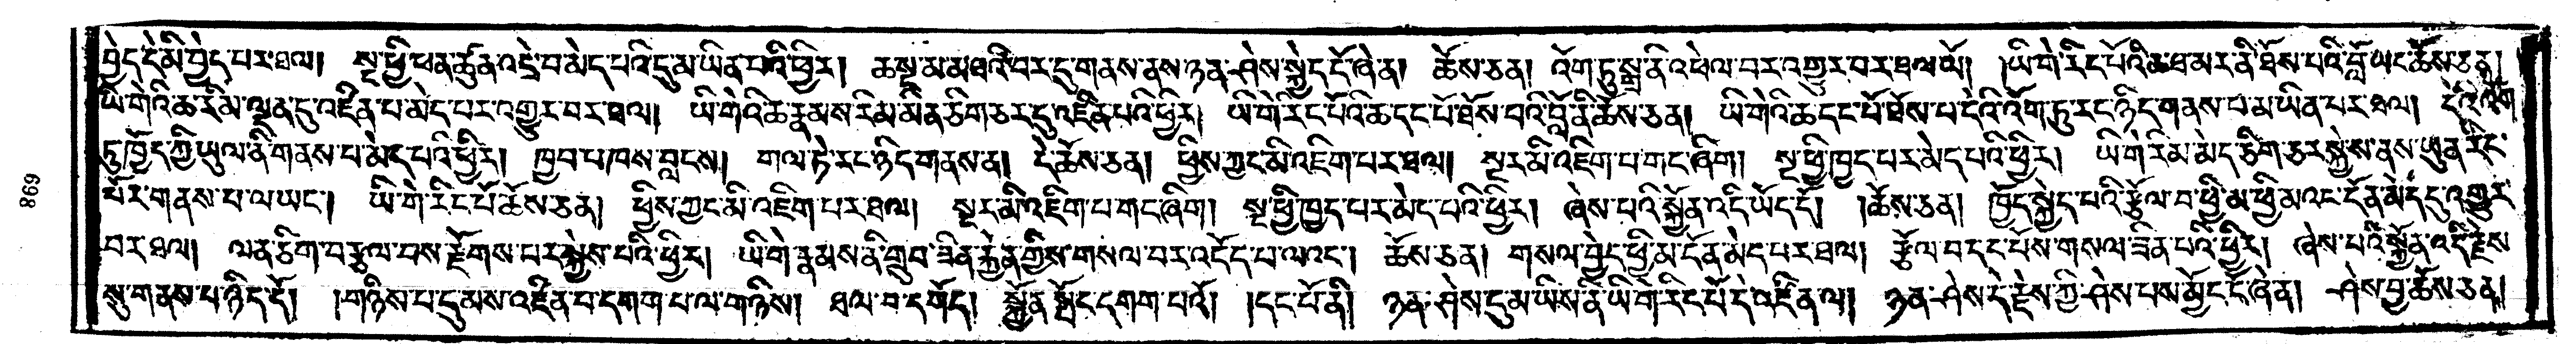བྱེད་དེ་མི་བྱེད་པར་ཐལ། སྔ་ཕྱི་ཕན་ཚུན་འདྲེ་བ་མེད་པའི་དུ་མ་ཡིན་པའི་ཕྱིར། ཆ་སྔ་མ་མཐའི་བར་དུ་གནས་ནས་ཉན་ཤེས་སྐྱེད་དོ་ཞེ་ན། ཆོས་ཅན། འོག་ཏུ་སྒྲའི་ནི་འཕེལ་བར་འགྱུར་བར་ཐལ་ལོ། །ཡི་གེ་རིང་པོའི་ཆ་ཐ་མར་མི་ཐོས་པའི་བློ་ཡང་ཆོས་ཅན།
ཡི་གེའི་ཆ་རིམ་ལྡན་དུ་འཛིན་པ་མེད་པར་འགྱུར་བར་ཐལ། ཡི་གེའི་ཆ་རྣམས་རིམ་མིན་ཅིག་ཅར་དུ་འཛིན་པའི་ཕྱིར། ཡི་གེ་རིང་པོའི་ཆ་དང་པོ་ཐོས་བའི་བློ་ནི་ཆོས་ཅན། ཡི་གེའི་ཆ་དང་པོ་ཐོས་པ་དེའི་འོག་ཏུ་རང་ཉིད་གནས་པ་མ་ཡིན་པར་ཐལ། དེའི་འོག་
ཏུ་ཁྱོད་ཀྱི་ཡུལ་ནི་གནས་པ་མེད་པའི་ཕྱིར། ཁྱབ་པ་ཁས་བླངས། གལ་ཏེ་རང་ཉིད་གནས་ན། དེ་ཆོས་ཅན། ཕྱིས་ཀྱང་མི་འཇིག་པར་ཐལ། སྔར་མི་འཇིག་པ་གང་ཞིག། སྔ་ཕྱི་ཁྱད་པར་མེད་པའི་ཕྱིར། ཡི་གེ་རིམ་མེད་ཅིག་ཅར་སྐྱེ་ས་ནས་ཡུན་རིང་
པོར་གནས་པ་ལ་ཡང་། ཡི་གེ་རིང་པོ་ཆོས་ཅན། ཕྱིས་ཀྱང་མི་འཇིག་པར་ཐལ། སྔར་མི་འཇིག་པ་གང་ཞིག། སྔ་ཕྱི་ཁྱད་པར་མེད་པའི་ཕྱིར། ཞེས་པའི་སྐྱོན་འདི་ཡོད་དོ། །ཆོས་ཅན། ཁྱོད་སྐྱེད་པའི་རྩོལ་བ་ཕྱི་མ་ཕྱི་མའང་དོན་མེད་དུ་འགྱུར་
བར་ཐལ། ལན་ཅིག་བརྩལ་བས་རྫོགས་པར་སྐྱེས་པའི་ཕྱིར། ཡི་གེ་རྣམས་ནི་གྲུབ་ཟིན་རྐྱེན་གྱིས་གསལ་བར་འདོད་པ་ལའང་། ཆོས་ཅན། གསལ་བྱེད་ཕྱི་མ་དོན་མེད་པར་ཐལ། རྩོལ་བ་དང་པོས་གསལ་ཟིན་པའི་ཕྱིར། ཞེས་པའི་སྐྱོན་འདི་རྗེས་
སུ་གནས་པ་ཉིད་དོ། །གཉིས་པ་དུ་མས་འཛིན་པ་དགག་པ་ལ་གཉིས། ཐལ་བ་དགོད། སྐྱོན་སྤོང་དགག་པའོ། །དང་པོ་ནི། ཉན་ཤེས་དུ་མ་ཡིས་ནི་ཡི་གེ་རིང་པོ་དེ་འཛིན་ལ། ཉན་ཤེས་དེ་རྗེས་ཀྱི་ཤེས་པས་མྱོང་ངོ་ཞེ་ན། ཤེས་བྱ་ཆོས་ཅན།